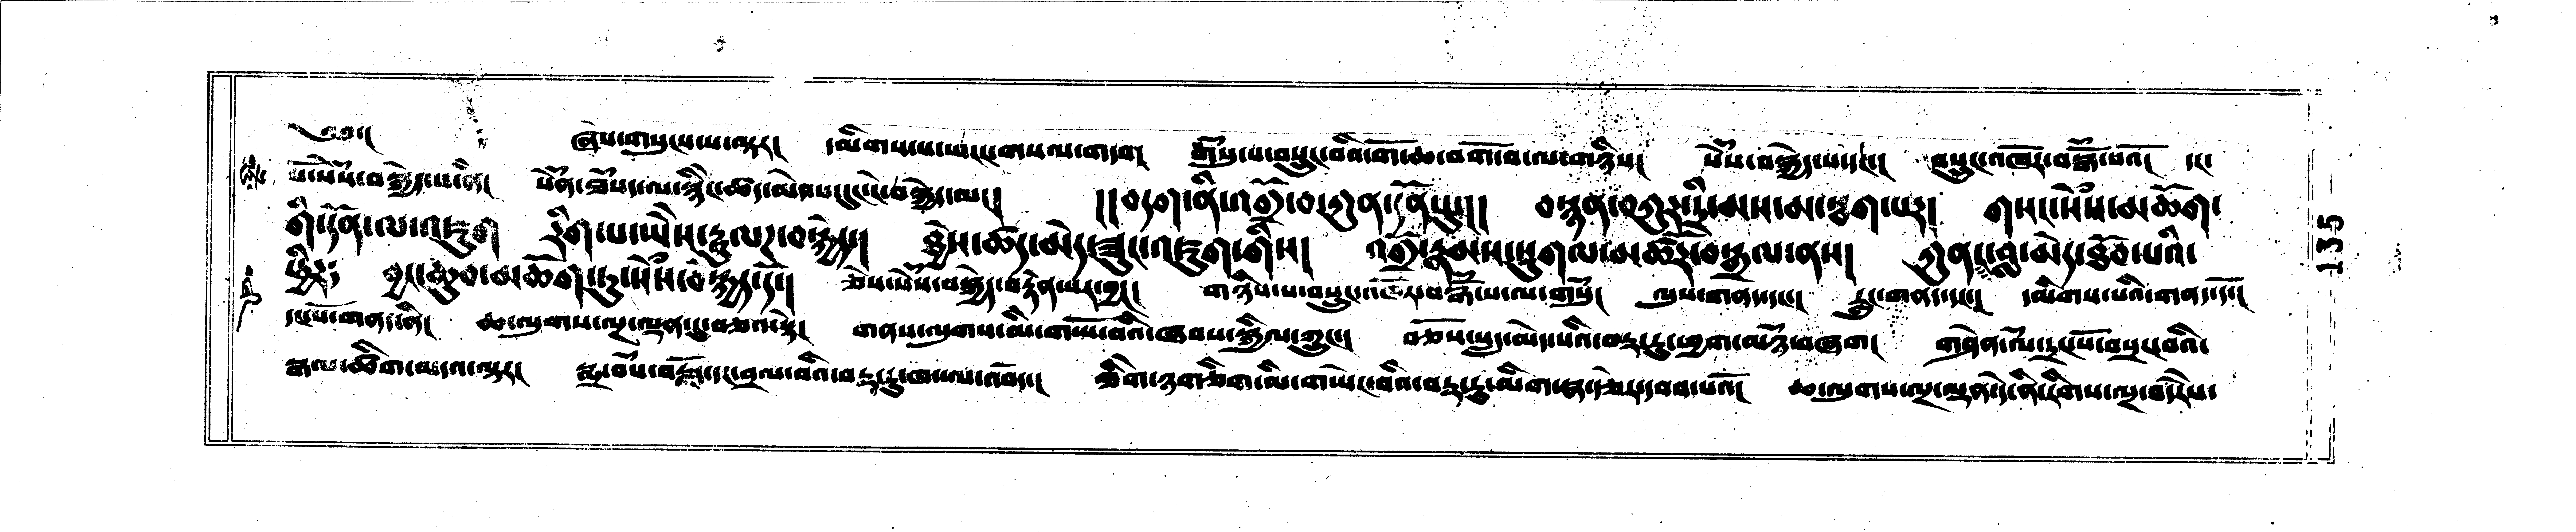ཞེས་གསུངས་པ་ལྟར། དམིགས་པ་ཡང་ཡང་གསལ་གདབ། གསུམ་པ་བསྲུང་བའི་གོ་ཆ་བགོ་བ་ལ་གཉིས། སེམས་བསྐྱེད་པ་དང་། བསྲུང་འཁོར་བསྒོམ་པའོ། །དང་
པོ་སེམས་བསྐྱེད་པ་ནི། བདག་ནི་འགྲོ་བ་ཀུན་དོན་དུ། །བསྙེན་བཀུར་དྲི་མས་མ་སྦགས་པར། །གསང་སེམས་མཆོག་
གི་དོན་ལ་འཇུག །རིག་པ་ཡེ་ཤེས་རྟུལ་ཤུགས་བསྐྱེད། །ཐུགས་རྗེ་ཚད་མེད་ཟུང་འཇུག་གིས། །འགྲོ་རྣམས་སྡུག་བསྔལ་མཚོར་བསྒྲལ་ནས། །ཀུན་བཟང་བླ་མེད་ཐོབ་པའི་
ཕྱིར། །བྱང་ཆུབ་མཆོག་ཏུ་སེམས་བསྐྱེད་དོ། །ཞེས་སེམས་བསྐྱེད་བརྟེན་པར་བྱ། གཉིས་པ་སྲུང་འཁོར་བསྒོམ་པ་ལ་གསུམ། ལུས་གནད་དང་ རླུང་གནད་དང་། དམིགས་པའི་གནད་དོ། 
དང་པོ་ལུས་གནད་ནི། ཆ་ལུགས་ལྔ་ལྡན་དུ་བཅའ་སྟེ། གནས་ལུགས་མི་གཡོ་བའི་བརྡ་རུ་ཞབས་སྐྱིལ་དཀྲུང་། བཅོས་སླད་མེད་པའི་བརྡ་རུ་ཕྱག་མཉམ་གཞག གཤེན་ལམ་དྲང་པོབསྲང་བའི་
སྒལ་ཚིགས་མདའ་ལྟར། སྨྲ་བསམ་བརྗོད་དང་བྲལ་བའི་བརྡ་རུ་ཁ་ཨ་འབོད། ཐིག་ལེ་ཉག་གཅིག་མི་ཡེངས་པའི་བརྡ་རུ་མིག་རྣ་རྩེར་དབབ་པའོ། །ཆ་ལུགས་ལྔ་ལྡན་དེ་ནི་རིགས་ལྔ་བདེ་བར་གཤེགས་